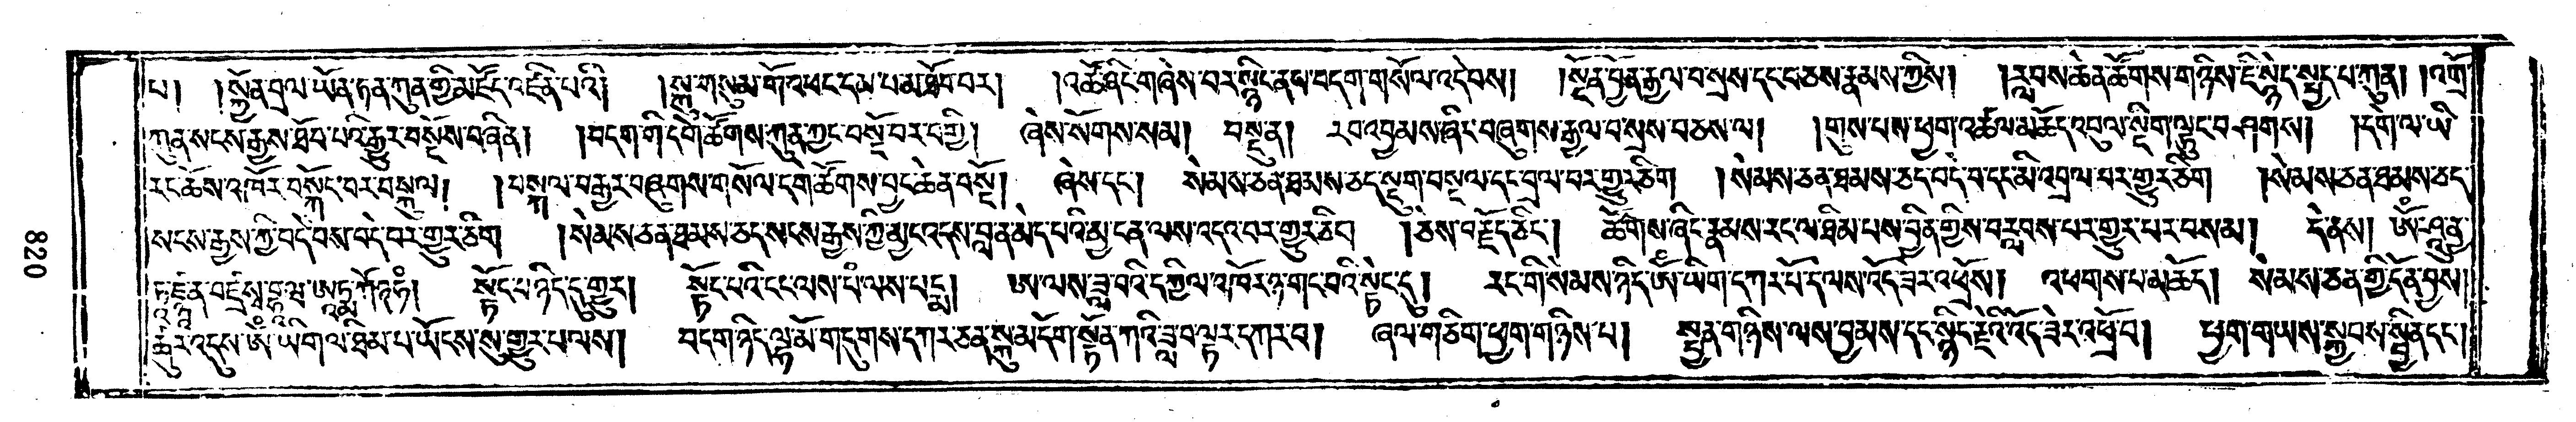པ། །སྐྱོན་བྲལ་ཡོན་ཏན་ཀུན་གྱི་མཛོད་འཛིན་པའི། །སྐུ་གསུམ་གོ་འཕང་དམ་པ་མ་ཐོབ་བར། །འཚོ་ཞིང་གཞེས་བར་སྙིང་ནས་བདག་གསོལ་འདེབས། །སྔོན་བྱོན་རྒྱལ་བ་སྲས་དང་བཅས་རྣམས་ཀྱིས། །རླབས་ཆེན་ཚོགས་གཉིས་ཇི་སྙེད་སྤྱད་པ་ཀུན། །འགྲོ་
ཀུན་སངས་རྒྱས་ཐོབ་པའི་རྒྱུར་བསྔོས་བཞིན། །བདག་གི་དགེ་ཚོགས་ཀུན་ཀྱང་བསྔོ་བར་བགྱི། ཞེས་སོགས་སམ། བསྡུ་ན། རབ་འབྱམས་ཞིང་བཞུགས་རྒྱལ་བ་སྲས་བཅས་ལ། །གུས་པས་ཕྱག་འཚལ་མཆོད་འབུལ་སྡིག་ལྟུང་བཤགས། །དགེ་ལ་ཡི་
རང་ཆོས་འཁོར་བསྐོང་བར་བསྐུལ། །བསྐལ་བརྒྱར་བཞུགས་གསོལ་དགེ་ཚོགས་བྱང་ཆེན་བསྔོ། ཞེས་དང་། སེམས་ཅན་ཐམས་ཅད་སྡུག་བསྔལ་དང་བྲལ་བར་གྱུར་ཅིག །སེམས་ཅན་ཐམས་ཅད་བདེ་བ་དང་མི་འབྲལ་བར་གྱུར་ཅིག །སེམས་ཅན་ཐམས་ཅད་
སངས་རྒྱས་ཀྱི་བདེ་བས་བདེ་བར་གྱུར་ཅིག །སེམས་ཅན་ཐམས་ཅད་སངས་རྒྱས་ཀྱི་མྱང་འདས་བླ་ན་མེད་པའི་མྱ་ངན་ལས་འདའ་བར་གྱུར་ཅིང་། །ཅེས་བརྗོད་ཅིང་། ཚོགས་ཞིང་རྣམས་རང་ལ་ཐིམ་པས་བྱིན་གྱིས་བརླབས་པར་གྱུར་པར་བསམ། དེ་ནས། ཨོཾ་ཤཱུ་ནྱ་
ཏཱ་ཛྙཱ་ན་བཛྲ་སྭ་བྷཱ་ཝ་ཨཱཏྨ་ཀོཉཧཾ། སྟོང་པ་ཉིད་དུ་གྱུར། སྟོང་པའི་ངང་ལས་པཾ་ལས་པདམ། ཨ་ལས་ཟླ་བའི་དཀྱིལ་འཁོར་ཉ་གང་བའི་སྟེང་དུ། རང་གི་སེམས་ཉིད་ཨོཾ་ཡིག་དཀར་པོ་དེ་ལས་འོད་ཟེར་འཕྲོས། འཕགས་པ་མཆོད། སེམས་ཅན་གྱི་དོན་བྱས།
ཚུར་འདུས་ཨོཾ་ཡིག་ལ་ཐིམ་པ་ཡོངས་སུ་གྱུར་པ་ལས། བདག་ཉིད་ལྷ་མོ་གདུགས་དཀར་ཅན་སྐུ་མདོག་སྟོན་ཀའི་ཟླ་བ་ལྟར་དཀར་བ། ཞལ་གཅིག་ཕྱག་གཉིས་པ། སྤྱན་གཉིས་ལས་བྱམས་དང་སྙིང་རྗེའི་འོད་ཟེར་འཕྲོ་བ། ཕྱག་གཡས་སྐྱབས་སྦྱིན་དང་